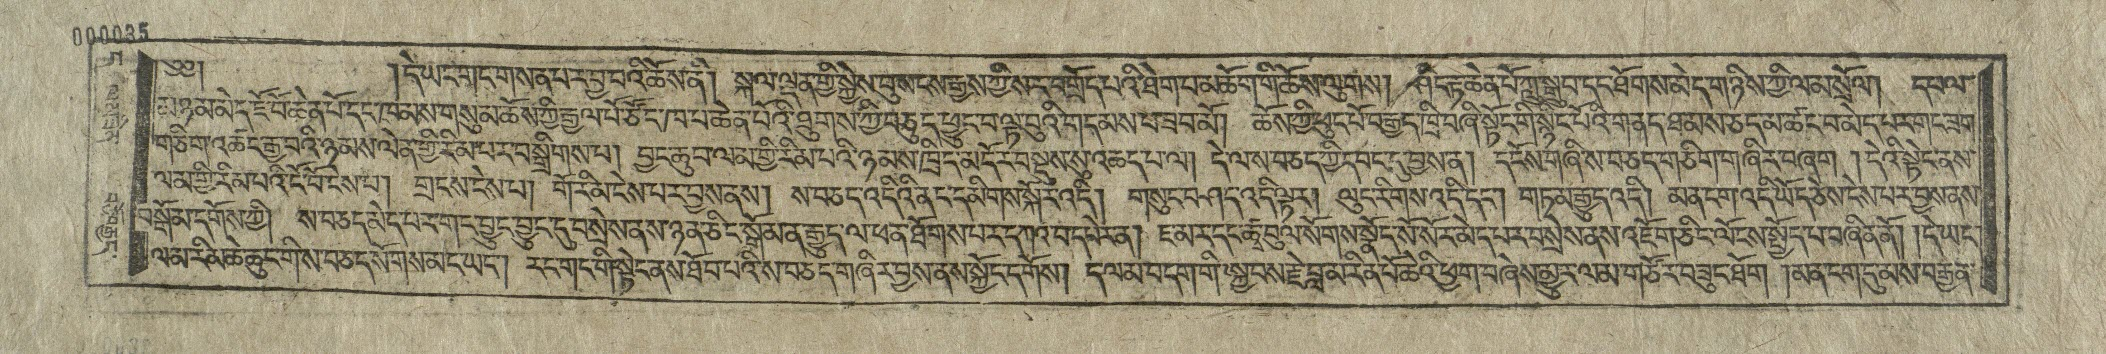༄༅། །དེ་ཡང་གང་གསན་པར་བྱ་བའི་ཆོས་ནི། སྐལ་ལྡན་གྱི་སྐྱེས་བུ་སངས་རྒྱས་ཀྱི་སར་བགྲོད་པའི་ཐེག་པ་མཆོག་གི་ཆོས་ལུགས། ཤིང་རྟ་ཆེན་པོ་ཀླུ་སྒྲུབ་དང་ཐོགས་མེད་གཉིས་ཀྱི་ལམ་སྲོལ། དཔལ་
མཉམ་མེད་ཇོ་བོ་ཆེན་པོ་དང་ཁམས་གསུམ་ཆོས་ཀྱི་རྒྱལ་པོ་ཙོང་ཁ་པ་ཆེན་པོའི་ཐུགས་ཀྱི་བཅུད་ཕྱུང་བ་ལྟ་བུའི་གདམས་པ་ཟབ་མོ། ཆོས་ཀྱི་ཕུང་པོ་བརྒྱད་ཁྲི་བཞི་སྟོང་གི་སྙིང་པོའི་གནད་ཐམས་ཅད་མ་ཚང་བ་མེད་པར་གང་ཟག་
གཅིག་འཚང་རྒྱ་བའི་ཉམས་ལེན་གྱི་རིམ་པར་བསྒྲིགས་པ། བྱང་ཆུབ་ལམ་གྱི་རིམ་པའི་ཉམས་ཁྲིད་མདོར་བསྡུས་སུ་འཆད་པ་ལ། དེ་ལ་ས་བཅད་ཀྱི་དབང་དུ་བྱས་ན། དངོས་གཞི་ས་བཅད་གཅིག་གཞིར་བཞག །དེའི་སྟེང་ནས་
ལམ་གྱི་རིམ་པའི་ངོ་བོ་ངེས་པ། གྲངས་ངེས་པ། གོ་རིམ་ངེས་པར་བྱས་ནས། ས་བཅད་འདིའི་ནང་དམིགས་སྐོར་འདི། གསུང་བཤད་འདི་ལྟར། ལུང་རིགས་འདི་དང་། གཏམ་རྒྱུད་འདི། མན་ངག་འདི་ཡོད་ཅེས་ངེས་པར་བྱས་ནས་
བསྒོམ་དགོས་ཀྱི། ས་བཅད་མེད་པར་གང་བྱུང་བྱུང་དུ་བསྲེས་ནས་ཉན་ཅིང་སྒོམ་ན་རྒྱུད་ལ་ཕན་ཐོགས་པར་དཀའ་བ་དཔེར་ན། ཇ་མར་དང་ཚྭ་བུལ་སོགས་སྣོད་སོ་སོར་མེད་པར་བསྲེས་ནས་འཇོག་ཅིང་ལོངས་སྤྱོད་པ་བཞིན་ནོ། །དེ་ཡང་
ལམ་རིམ་ཆེ་ཆུང་གི་ས་བཅད་སོགས་མང་ཡང་། རང་གང་གི་སྟེང་ནས་ཐོབ་པའི་ས་བཅད་གཞིར་བྱས་ནས་སྐྱོང་དགོས། ད་ལམ་བདག་གི ༧སྐྱབས་?་རྗེ་བླ་མ་རིན་པོ་ཆེའི་ཕྱག་བཞེས་མྱུར་ལམ་གཙོར་བཟུང་ཐོག །མན་ངག་དུ་མས་བརྒྱན་